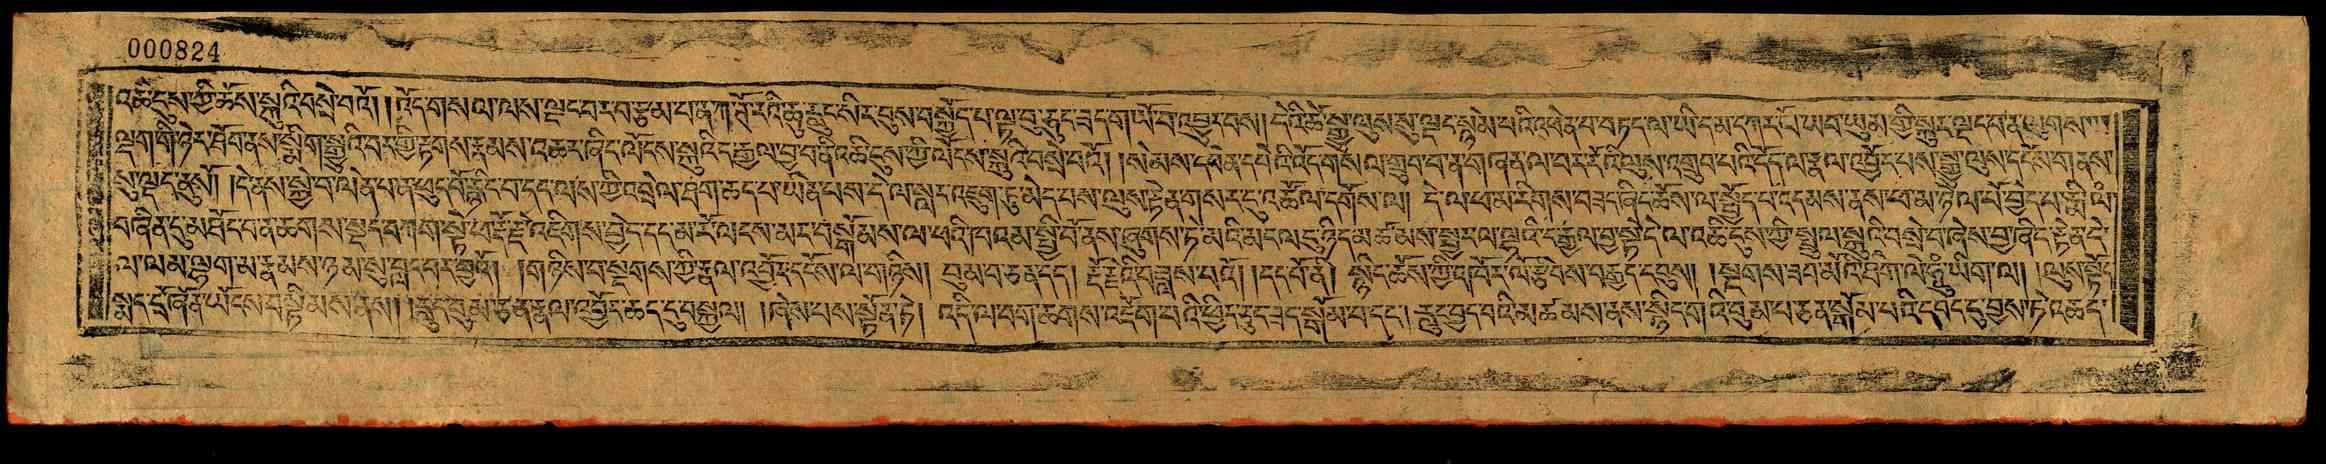འཆི་དུས་ཀྱི་ཆོས་སྐུའི་བསྲེ་བའོ། །འོད་གསལ་ལས་ལྡང་བར་བརྩམ་པ་ན་ཀཊོརའི་ཆུ་རླུང་སེར་བུས་བསྐྱོད་པ་ལྟ་བུ་ཅུང་ཟད་གཡོ་བ་འབྱུང་བས། དེའི་ཚེ་སྒྱུ་ལུས་སུ་ལྡང་སྙམ་པའི་འཕེན་པ་བཏང་ལ་ཡི་དམ་དཀར་པོ་ཡབ་ཡུམ་གྱི་སྐུར་ལྡང་བ་ན་ལུགས་
ལྡོག་གི་ཉེར་ཐོབ་ནས་སྨིག་སྒྱུའི་བར་གྱི་རྟགས་རྣམས་འཆར་ཞིང་ལོངས་སྐུའི་ང་རྒྱལ་བྱ་བ་ནི་འཆི་དུས་ཀྱི་ལོངས་སྐུའི་བསྲེ་བའོ། །སེམས་དབེན་དཔེའི་འོད་གསལ་གྲུབ་པ་ན་གཞན་ལ་བར་དོའི་ལུས་འགྲུབ་པའི་དོད་ལ་རྣལ་འབྱོར་པས་སྒྱུ་ལུས་དངོས་གནས་
སུ་ལྡང་ནུས་སོ། །དེ་ནས་སྐྱེ་བ་ལེན་པ་ན་ཕུང་པོ་རྙིང་པ་དང་ལས་ཀྱི་འབྲེལ་ཐག་ཆད་པ་ཡིན་པས་དེ་ལ་སླར་འཇུག་ཏུ་མེད་པས་ལུས་རྟེན་གསར་དུ་འཚོལ་དགོས་ལ། དེ་ལ་ཕ་མ་རིགས་བཟང་ཞིང་ཆོས་ལ་སྤྱོད་པ་འདམས་ནས་ཕ་མ་ཉལ་པོ་བྱེད་པ་རྨི་ལཾ་
བཞིན་དུ་མཐོང་བ་ན་ཆགས་སྡང་བཀག་སྟེ་ཕ་རྡོ་རྗེ་འཇིགས་བྱེད་དང་མ་རོ་ལངས་མར་བསྒོམས་ལ་ཕའི་ཁའམ་སྤྱི་བོ་ནས་ཞུགས་ཏེ་མའི་མངལ་དུ་ཉིང་མཚམས་སྦྱར་ལ་ལྷའི་ང་རྒྱལ་བྱ་སྟེ་དེ་ལ་འཆི་དུས་ཀྱི་སྤྲུལ་སྐུའི་བསྲེ་བ་ཞེས་བྱ་ཞིང་རྟེན་དེ་
ལ་ལམ་ལྷག་མ་རྣམས་ཉམས་སུ་བླང་བར་བྱའོ། །གཉིས་པ་སྔགས་ཀྱི་རྣལ་འབྱོར་དངོས་ལ་གཉིས། བུམ་པ་ཅན་དང་། རྡོ་རྗེའི་བཟླས་པའོ། །དང་པོ་ནི། སྙིང་ཆོས་ཀྱི་འཁོར་ལོ་རྩིབས་བརྒྱད་དབུས། །སྔགས་ཟབ་མོའི་ཐིག་ལེ་ཧཱུཾ་ཡིག་ལ། །ལུས་སྟོད་
སྨད་དྲི་ཞོན་ཡོངས་བསྟིམས་ནས། །རླུང་བུམ་ཅན་རྣལ་འབྱོར་ཚད་དུ་བསྐྱལ། །ཞེས་པས་སྟོན་ཏེ། འདི་ལ་བག་ཆགས་འཇོག་པའི་ཕྱིར་ཅུང་ཟད་སྒོམ་པ་དང་། རླུང་བྱང་བའི་མཚམས་ནས་སྙིང་གའི་བུམ་པ་ཅན་སྒོམ་པའི་དབང་དུ་བྱས་ཏེ་འཆད་